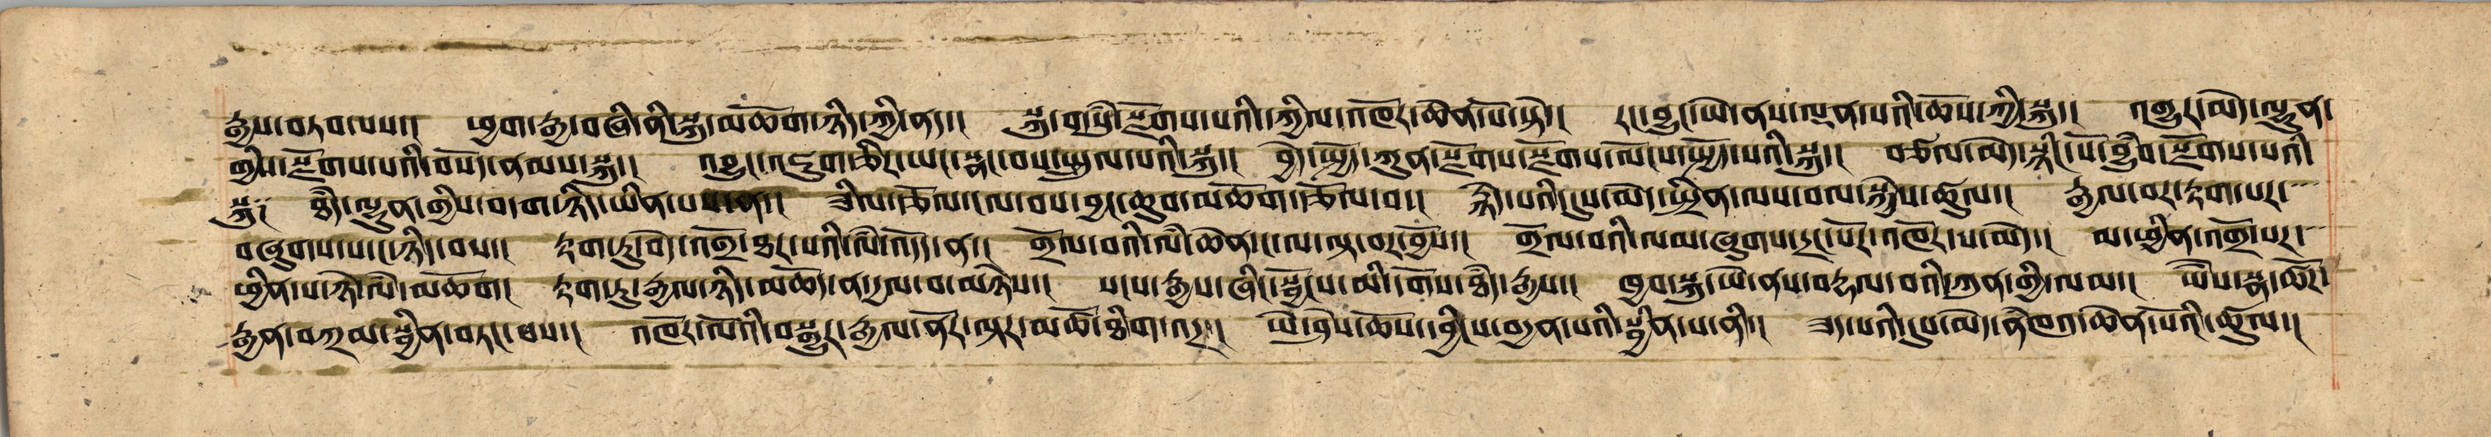རྒྱས་བཏབ་པས་། ཕྱག་རྒྱ་བཞི་ནི་སྐུ་མཆོག་ཉིད་ཀྱི་ནད་། སྐུ་གསུཾ་སྫོགས་པའི་དཀྱིལ་འཁོར་ཆེན་པོ་སྟེ་། རང་བྱུང་ཡེ་ནས་ལྡན་པའི་ཆོས་ཀྱི་སྐུ་། འགྱུར་མེད་ལྷུན་
གྱིས་སྫོགས་པའི་བསོད་ནམས་སྐུ་། འབྱུང་འཇུག་ཅིར་ཡང་སྣང་བས་སྤྲུལ་པའི་སྐུ་། བྱེད་སྤྱོད་ཀུན་སྫོགས་སྫོགས་ལོངས་སྤྱོད་པའི་སྐུ་། བཙལ་མེད་སྙིང་པོ་བྱུཾབ་སྫོགས་པའི་
སྐུ༑ ཐཾད་ལྷུན་གྱིས་བདག་ཉིད་ཡིན་པ་བདག་། ཟིལ་རྩོལ་ངལ་བས་བྱང་ཆུབ་མཆོག་རྩོལ་བ་། རྙེད་པའི་དུས་མེད་སྤྲིན་ལས་བལ་སྐྱེས་ཚུལ་། རྒྱལ་བར་རྟག་པར་
བཞུགས་པ་ང་ཉིད་བས་། རྟག་ཏུ་བདེ་འགྲོ་ཐར་པའི་ལཾ་འདོད་ན་། གྲོལ་བའི་ལཾ་ཆེན་ང་ལ་ལྟ་བར་བྱོས་། གྲོལ་བའི་ལམ་ཞུགས་དྲང་པོར་འཁོར་ས་མེད་། མ་ཕྱིན་འགྲོ་པར་
ཕྱིན་པ་ཉེ་ལཾ་མཆོག། རྟག་ཏུ་རྒྱལ་ཉིད་མཆོད་ན་དྱལ་བ་མཉེས་། སངས་རྒྱས་ཞིང་སྦྱོངས་མི་དགོས་ཐཾད་རྒྱས་། ཁྱབ་སྐུ་ཡེ་ནས་བརྡལ་བའི་ཀུན་གྱི་ལམ་། ཡཻས་སྣ་ཚོཌ་
རྒྱན་བཀྲམ་སྦྱིན་བཏང་པས་། འཁོར་ལོའི་བསྒྱུར་རྒྱལ་ནོར་ལྟར་མཚོ་ཐིག་འདྲ་། ཡེ་ཤེས་ཆོས་དབྱིངས་བདྱན་པའི་སྦྱིན་པ་ནི་། ཟད་པའི་དུས་མེད་ནཾཁའ་ཆེན་པོའི་ཚུལ་།